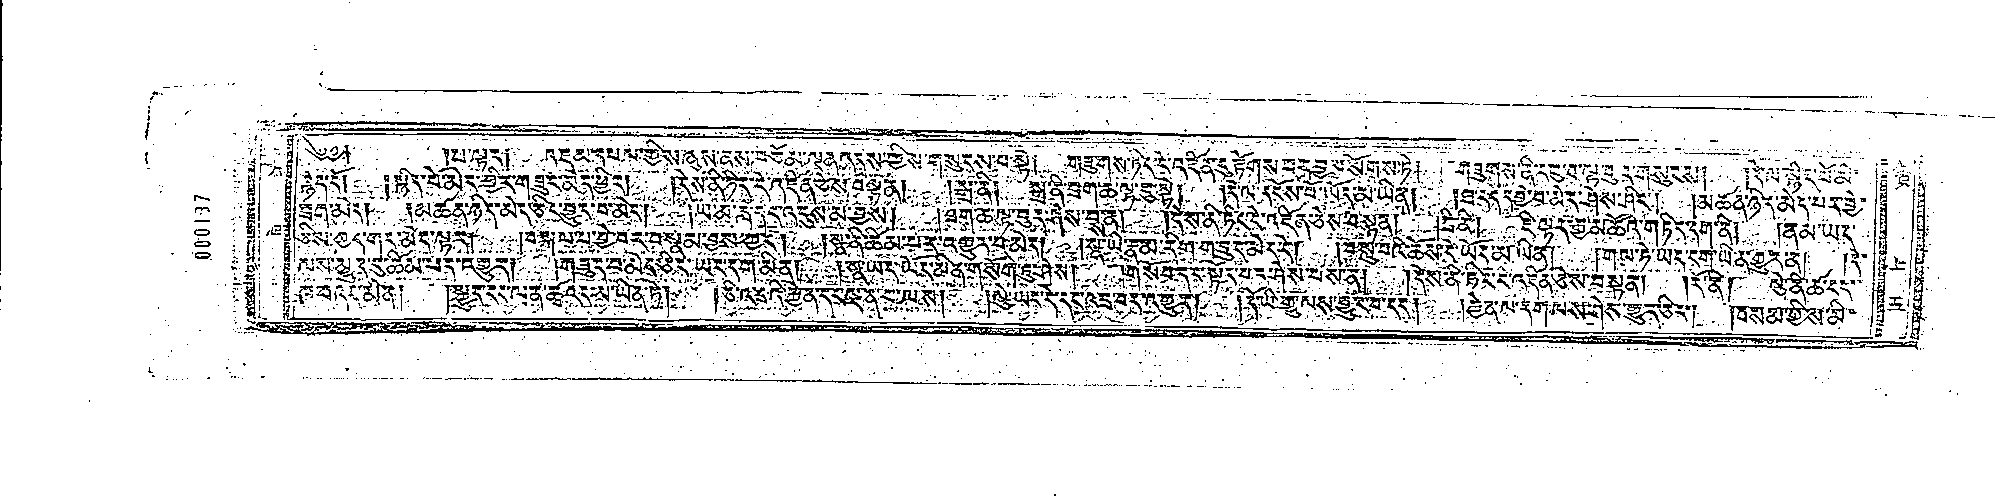༄༅། །པ་ལྟར། འཇམ་དཔལ་གྱིས་ཞུས་ནས་བཅོམ་ལྡན་འདས་ཀྱིས་གསུངས་པ་སྟེ། གཟུགས་ཏིང་ངེ་འཛིན་དུ་རྟོགས་བར་བྱ་བ་སོགས་ཏེ། གཟུགས་ནི་དབུ་བ་ལྟ་བུར་གསུངས། །དེ་ལ་སྙིང་པོ་མི་
རྙེད་དོ། །སྙིང་པོ་མེད་ཕྱིར་གཟུང་མེད་ཕྱིར། །དེས་ནི་ཏིང་ངེ་འཛིན་ཅེས་བསྟན། །སྒྲ་ནི། སྒྲ་ནི་བྲག་ཆ་ལྟ་བུ་སྟེ། །དེ་ལ་དངོས་པོ་ཡོད་མ་ཡིན། །ཐ་དད་དབྱེ་བ་མེད་ཤེས་ཤིང་། །མཚན་ཉིད་མེད་པར་བྱེ་
བྲག་མེད། །མཚན་ཉིད་མེད་ཅིང་བྱུང་བ་མེད། །ཡ་མ་རླ་དང་འདུས་མ་བྱས། །བྲག་ཆ་ལྟ་བུར་ཤེས་བས་ན། །དེས་ནི་ཏིང་ངེ་འཛིན་ཅེས་བསྟན། །དྲི་ནི། ཇི་ལྟར་རྒྱ་མཚོའི་གཏིང་དག་ནི། །ནམ་ཡང་
ཅིས་ཀྱང་གང་མེད་ལྟར། །བསྐལ་པ་བྱེ་བར་བསྣམ་བྱས་ཀྱང་། །སྣ་ནི་ཚིམ་པར་འགྱུར་བ་མེད། །སྣ་ཡི་རྣམ་རིག་གཟུང་མེད་དེ། །བསླུ་བའི་ཆོས་དེ་ཡོད་མ་ཡིན། །གལ་ཏེ་ཡང་དག་ཡིན་གྱུར་ན། །དེ་
ལས་མྱུར་དུ་ཚིམ་པར་འགྱུར། །གཟུང་བ་མེད་ཅིང་ཡང་དག་མིན། །སྣ་ཡང་ཡོད་མིན་གསོག་ཏུ་ཤེས། །གསོབ་དང་སྟོང་པར་ཤེས་པས་ན། །དེས་ནི་ཏིང་ངེ་འཛིན་ཅེས་བསྟན། །རོ་ནི། ལྕེ་ནི་ཚ་དང་
ཁ་བའང་མིན། །སྐྱུད་དང་ལན་ཚྭའང་མ་ཡིན་ཏེ། །ཅི་འདྲའི་རྐྱེན་དང་ལྡན་པ་ལས། །ལྕེ་ཡང་དེ་དང་འདྲ་བར་འགྱུར། །རོ་ཡི་གྱུ་ལས་བྱུང་བ་དང་། །རྐྱེན་ལ་རག་ལས་ཤེས་རྒྱུར་ཅིང་། །བསམ་གྱིས་མི་